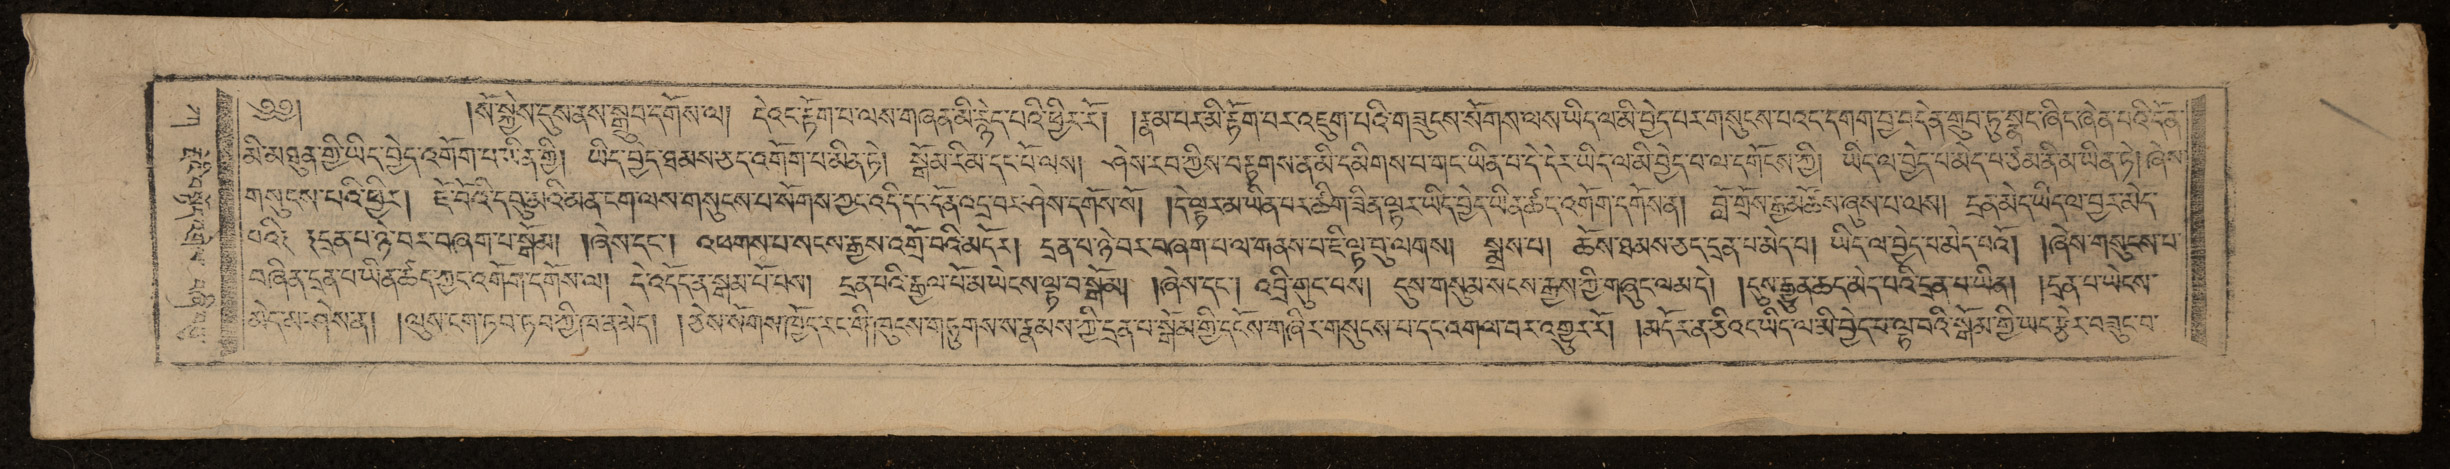༄༅། །སོ་སྐྱེས་དུས་ནས་སྒྲུབ་དགོས་ལ། དེའང་རྟོག་པ་ལས་གཞན་མི་རྙེད་པའི་ཕྱིར་རོ། །རྣམ་པར་མི་རྟོག་པར་འཇུག་པའི་གཟུངས་སོགས་ལས་ཡིད་ལ་མི་བྱེད་པར་གསུངས་པའང་དགག་བྱ་བདེན་གྲུབ་ཏུ་སྣང་ཞིང་ཞེན་པའི་དོན་
མི་མཐུན་གྱི་ཡིད་བྱེད་འགོག་པ་ཡིན་གྱི། ཡིད་བྱེད་ཐམས་ཅད་འགོག་བ་མིན་ཏེ། སྒོམ་རིམ་དང་པོ་ལས། ཤེས་རབ་ཀྱིས་བ་རྟགས་ན་མི་དམིགས་པ་གང་ཡིན་པ་དེ་དེར་ཡིད་ལ་མི་བྱེད་པ་ལ་དགོངས་ཀྱི། ཡིད་ལ་བྱེད་པ་མེད་བ་ཙམ་ནི་མ་ཡིན་ཏེ། ཞེས་
གསུངས་བའི་ཕྱིར། ཇོ་བོའི་དབུ་མའི་མན་ངག་ལས་གསུངས་པ་སོགས་ཀྱང་འདི་དང་དོན་འདྲ་བར་ཤེས་དགོས་སོ། །དེ་ལྟར་མ་ཡིན་བར་ཚིག་ཟིན་ལྟར་ཡིད་བྱེད་ཡིན་ཚད་འགོག་དགོས་ན། བློ་གྲོས་རྒྱ་མཚོས་ཞུས་བ་ལས། དྲན་མེད་ཡིད་ལ་བྱར་མེད་
པའི༑ ༑དྲན་པ་ཉེ་བར་བཞག་པ་སྒོམ། །ཞེས་དང་། འཕགས་པ་སངས་རྒྱས་བགྲོ་བའི་མདོར། དྲན་པ་ཉེ་བར་བཞག་པ་ལ་གནས་པ་ཇི་ལྟ་བུ་ལགས། སྨྲས་པ། ཆོས་ཐམས་ཅད་དྲན་པ་མེད་པ། ཡིད་ལ་བྱེད་པ་མེད་པའོ། །ཞེས་གསུངས་པ་
བཞིན་དྲན་པ་ཡིན་ཚད་ཀྱང་འགོག་དགོས་ལ། དེ་འདོད་ན་སྒམ་པོ་པས། དྲན་པའི་རྒྱལ་པོ་མ་ཡེངས་ལྟ་བསྒོམ། །ཞེས་དང་། འབྲི་གུང་པས། དུས་གསུམ་སངས་རྒྱས་ཀྱི་གཞུང་ལམ་དེ། །དུས་རྒྱུན་ཆད་མེད་པའི་དྲན་པ་ཡིན། །དྲན་བ་ཡེངས་
མེད་མ་ཤེས་ན། །ལུས་ངག་ཏབ་ཏབ་ཀྱི་ཁ་ན་མེད། །ཅེས་སོགས་ཁྱོད་རང་གི་ཁུངས་གཏུགས་ས་རྣམས་ཀྱི་དྲན་བསྒོམ་གྱི་དངོས་གཞིར་གསུངས་པ་དང་འགལ་བར་འགྱུར་རོ། །མདོར་ན་ཅིའང་ཡིད་ལ་མི་བྱེད་པ་ལྟ་བའི་སྒོམ་གྱི་ཡང་རྩེར་བཟུང་བ་